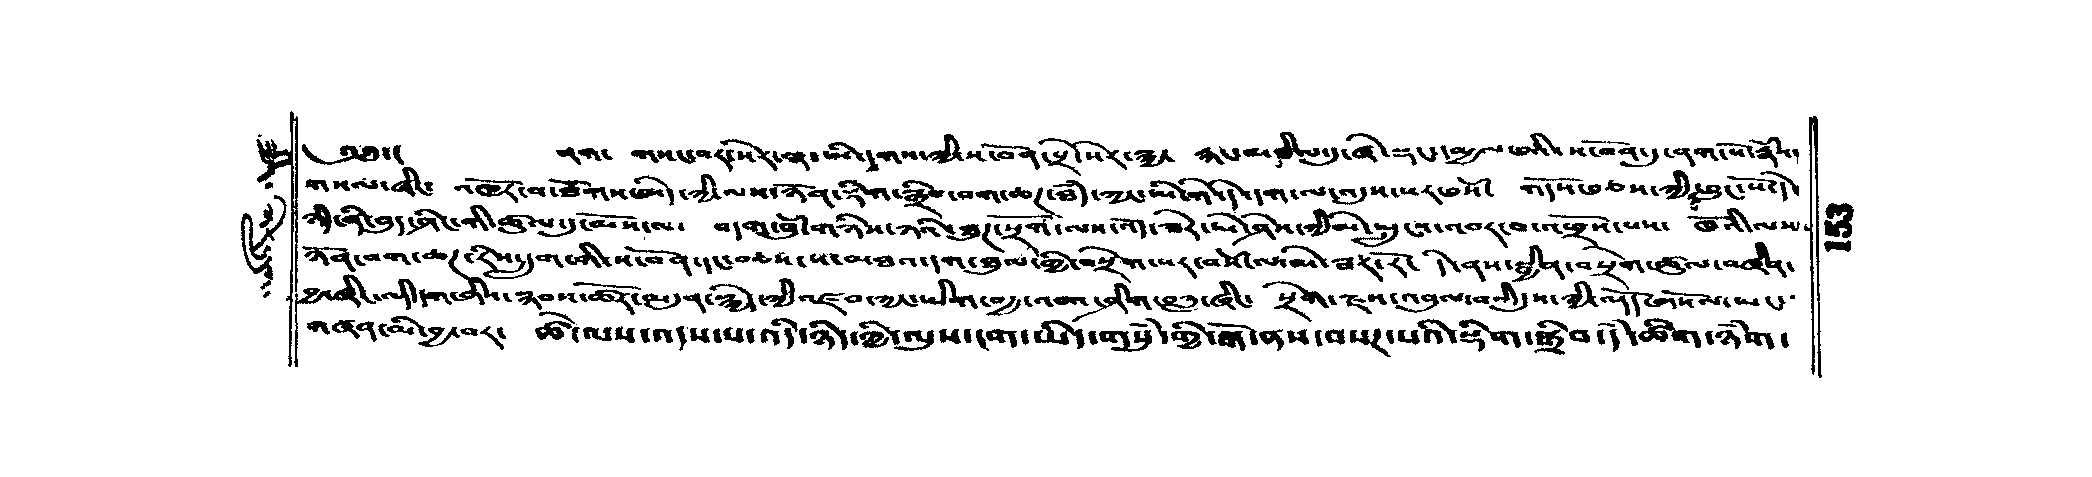ནག་གསང་བར་སེར་སྣ་ཡི་དྭགས་ཀྱི་ས་བོན་པྲེ་སེར་སྐྱ། རྐང་མཐིལ་དུ་ཞེ་སྡང་དམྱལ་བའི་ས་བོན་དུ་ནག་པོ་རྣམས་
གསལ་ཞིང་། འཁོར་བ་ཐོགས་མེད་ཀྱི་ལས་ཉོན་སྡིག་སྒྲིབ་བག་ཆགས་ཐམས་ཅད་ཀྱང་ཡི་གེ་དེ་དག་ལ་འདུས་པར་བསམ། གདོས་བཅས་ཀྱི་ཕུང་པོ་དེ་
ཉིད་ནི་བུད་ཤིང་གི་ཚུལ་དུ་མོས་ལ། བདག་བུམ་གཉིས་ཀའི་ཐུགས་སྲོག་ལས་འོད་ཟེར་ཡེ་ཤེས་ཀྱི་མེ་སྤུངས་འབར་བ་འཕྲོས་པས། ཁོའི་ལས་
ཉོན་བག་ཆགས་རིས་དྲུག་གི་ས་བོན་དང་བཅས་པ་མཐའ་དག་ཐུལ་གྱིས་བསྲེག་པར་བསམ་ལ་མེ་སྦར་རོ། དེ་ནས་སྦྱིན་བསྲེག་ཚུལ་བཞིན་
བྱ་ཞིང་འདི་དག་གིས་སྐབས་ཚོར་མདུན་བསྐྱེད་ཀྱི་འཛབ་ཀྱང་ཡིག་བརྒྱ་འབའ་ཤིག་བཟླ་ཞིང་། སྲེག་རྫས་འབུལ་བའི་དུས་ཀྱི་འདོད་གསོལ་ཡང་
གཞན་མི་བྱ་བར། ཚེ་ལས་འདས་པ་འདི་ཉིད་ཀྱི་ལུས་ངག་ཡིད་གསུམ་གྱི་སྒོ་ནས་བསགས་པའི་སྡིག་སྒྲིབ་དམ་ཚིག་ཉམས་ཆགས་